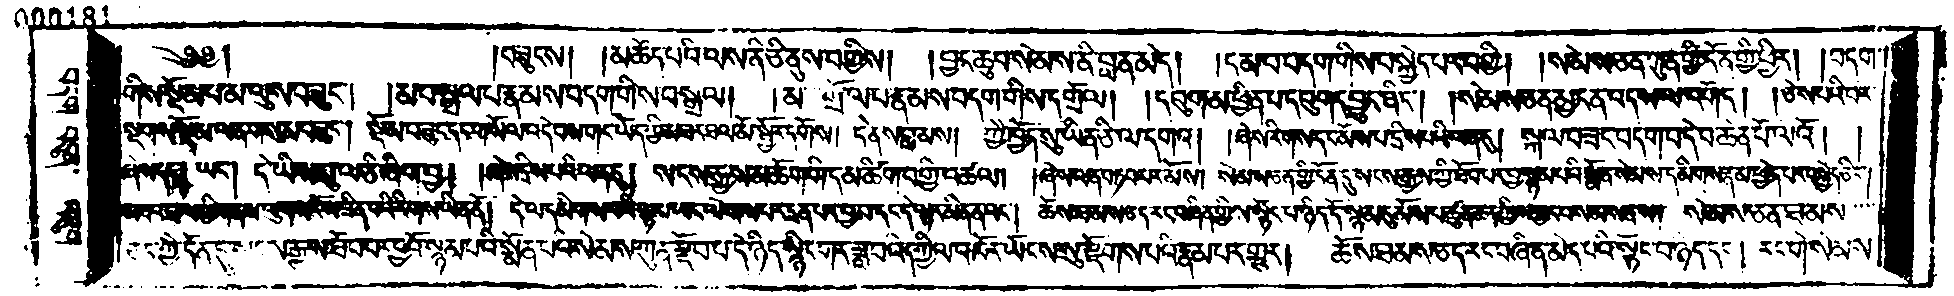༄༅། །བཟུངས། །མཆོད་པའི་ལས་ནི་ཅི་ནུས་བགྱིས། །བྱང་ཆུབ་སེམས་ནི་བླ་ན་མེད། །དམ་པ་བདག་གིས་བསྐྱེད་པར་བགྱི། །སེམས་ཅན་ཀུན་གྱི་དོན་གྱི་ཕྱིར། །བདག་
གིས་སྡོམ་པ་མ་ལུས་བཟུང་། །མ་བསྒྲལ་པ་རྣམས་བདག་གིས་བསྒྲལ། །མ་གྲོལ་པ་རྣམས་བདག་གིས་དགྲོལ། །དབུག་མ་ཕྱིན་པ་དབུག་དབྱུང་ཞིང་། །སེམས་ཅན་མྱ་ངན་འདས་ལ་འགོད། །ཅེས་པའི་བར་
སྔགས་སྡོམ་ལན་གསུམ་བཟུང་། སྡོམ་བཟུང་དང་གསོལ་འདེབས་གང་ཡོད་ཀྱི་མཐར་ཐལ་མོ་སྦྱོར་དགོས། དེ་ནས་བླ་མས། ཀྱཻ་ཁྱོད་སུ་ཡིན་ཅི་ལ་དགའ། །ཞེས་རིགས་དང་མོས་པ་དྲིས་པའི་ལན་དུ། སྐལ་བཟང་བདག་བདེ་བ་ཆེན་པོ་ལའོ། །
ཞེས་དང་། ཡང་། དེ་ཡིས་བུ་ལ་ཅི་ཞིག་བྱ། །ཞེས་དྲིས་པའི་ལན་དུ། སངས་རྒྱས་མཆོག་གི་དམ་ཚིག་བགྱི་འཚལ། །ཞེས་ལན་བཏང་པར་མོས། སེམས་ཅན་གྱི་དོན་དུ་སངས་རྒྱས་ཀྱི་ཐོབ་པར་བྱ་སྙམ་པའི་སྨོན་སེམས་དམིགས་རྣམ་ཕྱེད་པར་བསྐྱེད་ཅིང་།
མཐའ་བྲལ་གྱི་གནས་ལུགས་ངོས་ཟིན་པའི་རིགས་ཡིན་ནོ། དེ་ལ་དམིགས་པའི་ལྟ་བ་ཡང་ལེགས་པར་དྲན་པར་བྱ་བ་དང་དེ་ལྟར་མིན་ནའང་། ཆོས་ཐམས་ཅད་རང་བཞིན་གྱིས་སྟོང་པ་ཉིད་དོ་སྙམ་དུ་མོས་པ་ཚུན་ཆད་ཀྱིས་ཀྱང་བསམས་ནས། སེམས་ཅན་ཐམས་
ཅད་ཀྱི་དོན་དུ་སངས་རྒྱས་ཐོབ་པར་བྱའོ་སྙམ་པའི་སྨོན་པའི་སེམས་ཀུན་རྫོབ་པ་དེ་ཉིད་སྙིང་གར་ཟླ་བའི་དཀྱིལ་འཁོར་ཡོངས་སུ་རྫོགས་པའི་རྣམ་པར་གྱུར། ཆོས་ཐམས་ཅད་རང་བཞིན་མེད་པའི་སྟོང་པ་ཉིད་དང་། རང་གི་སེམས་